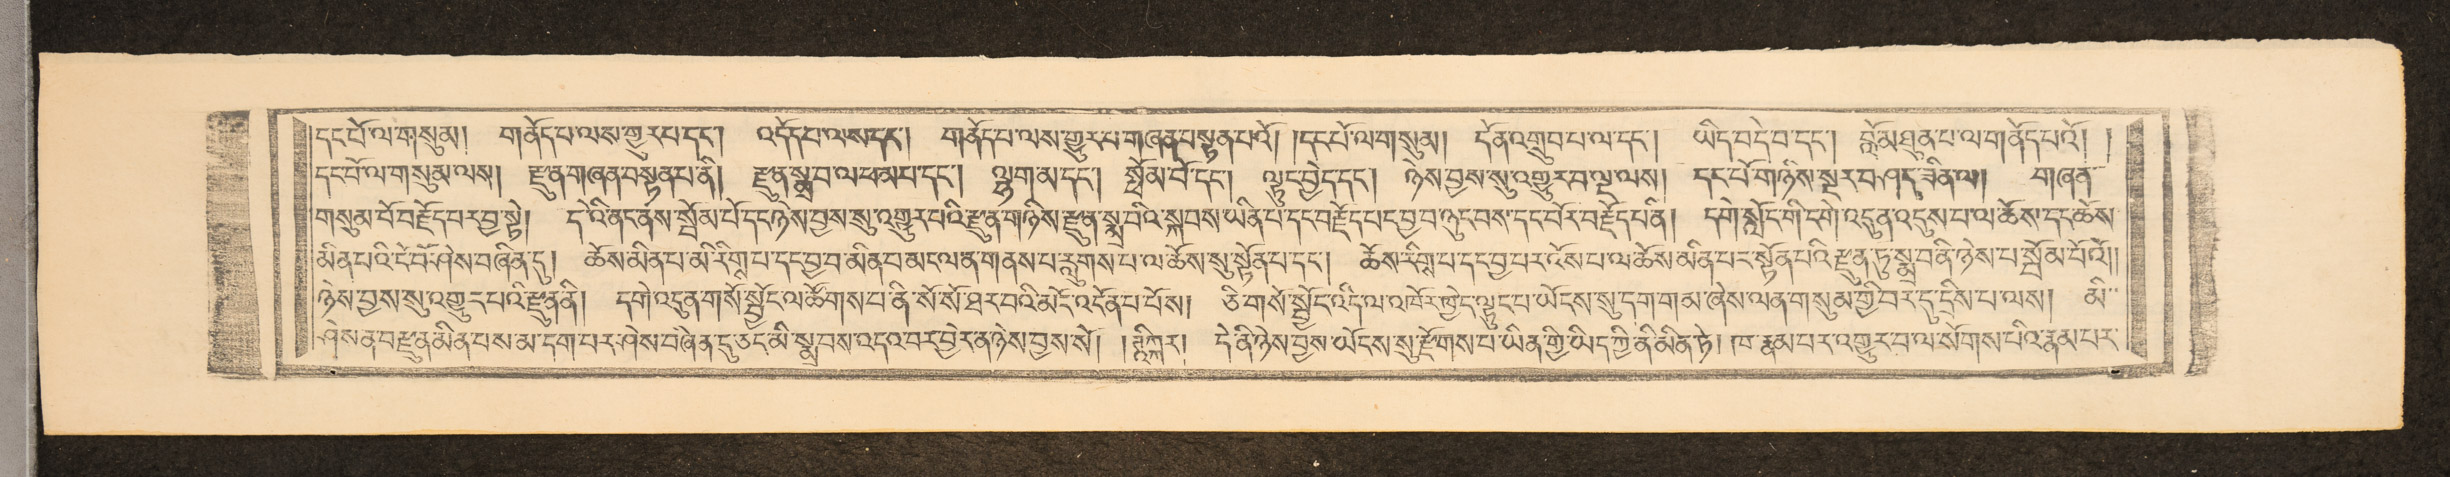དང་པོ་ལ་གསུམ། གནོད་པ་ལས་གྱུར་པ་དང་། འདོད་པ་ལས་དང་། གནོད་པ་ལས་གྱུར་པ་གཞན་བསྟན་པའོ། །དད་པོ་ལ་གསུམ། དོན་འགྲུབ་པ་ལ་དང་། ཡིད་བདེ་བ་དང་། བློ་མཐུན་པ་ལ་གནོད་པའོ། །
དང་པོ་ལ་གསུམ་ལས། རྫུན་གཞན་བསྟན་པ་ནི། རྫུན་སྨྲ་བ་ལ་ཕམ་པ་དང་། ལྷག་མ་དང་། སྦོམ་པོ་དང་། ལྟུང་བྱེད་དང་། ཉེས་བྱས་སུ་འགྱུར་བ་ལྔ་ལས། དད་པོ་གཉིས་སྔར་བཤད་ཟིན་ལ། གཞན་
གསུམ་པོ་བརྗོད་པར་བྱ་སྟེ། དེའི་ནང་ནས་སྦོམ་པོ་དང་ཉེས་བྱས་སུ་འགྱུར་བའི་རྫུན་གཉིས་རྫུན་སྨྲ་བའི་སྐབས་ཡིན་པ་དང་བརྗོད་པར་བྱ་བ་ཉུང་བས་དང་པོར་བརྗོད་པ་ནི། དགེ་སློང་གི་དགེ་འདུན་འདུས་པ་ལ་ཆོས་དང་ཆོས་
མིན་པའི་ངོ་བོ་ཤེས་བཞིན་དུ། ཆོས་མིན་པ་མི་རིགས་པ་དང་བྱ་བ་མིན་པ་མངལ་ན་གནས་པ་རླུགས་པ་ལ་ཆོས་སུ་སྟོན་པ་དང་། ཆོས་རིགས་པ་དང་བྱ་བར་འོས་པ་ལ་ཆོས་མིན་པར་སྟོན་པའི་རྫུན་ཏུ་སྨྲ་བ་ནི་ཉེས་པ་སྦོམ་པོའོ།།
ཉེས་བྱས་སུ་འགྱུར་བའི་རྫུན་ནི། དགེ་འདུན་གསོ་སྦྱོང་ལ་ཚོགས་པ་ནི་སོ་སོ་ཐར་བའི་མདོ་འདོན་པ་པོས། ཅི་གསོ་སྦྱོང་འདི་ལ་འཁོར་ཁྱེད་ལྟུང་བ་ཡོངས་སུ་དག་གམ་ཞེས་ལན་གསུམ་གྱི་བར་དུ་དྲིས་པ་ལས། མི་
ཤེས་ན་བརྫུན་མིན་པས་མ་དག་པར་ཤེས་བཞིན་དུ་ཅང་མི་སྨྲ་བས་འདའ་བར་བྱེད་ན་ཉེས་བྱས་སོ། །ཊཱཀྐིར། དེ་ནི་ཉེས་བྱས་ཡོངས་སུ་རྫོགས་པ་ཡིན་གྱི་ཡིད་ཀྱི་ནི་མིན་ཏེ། ཁ་རྣམ་པར་འགྱུར་བ་ལ་སོགས་པའི་རྣམ་པར་